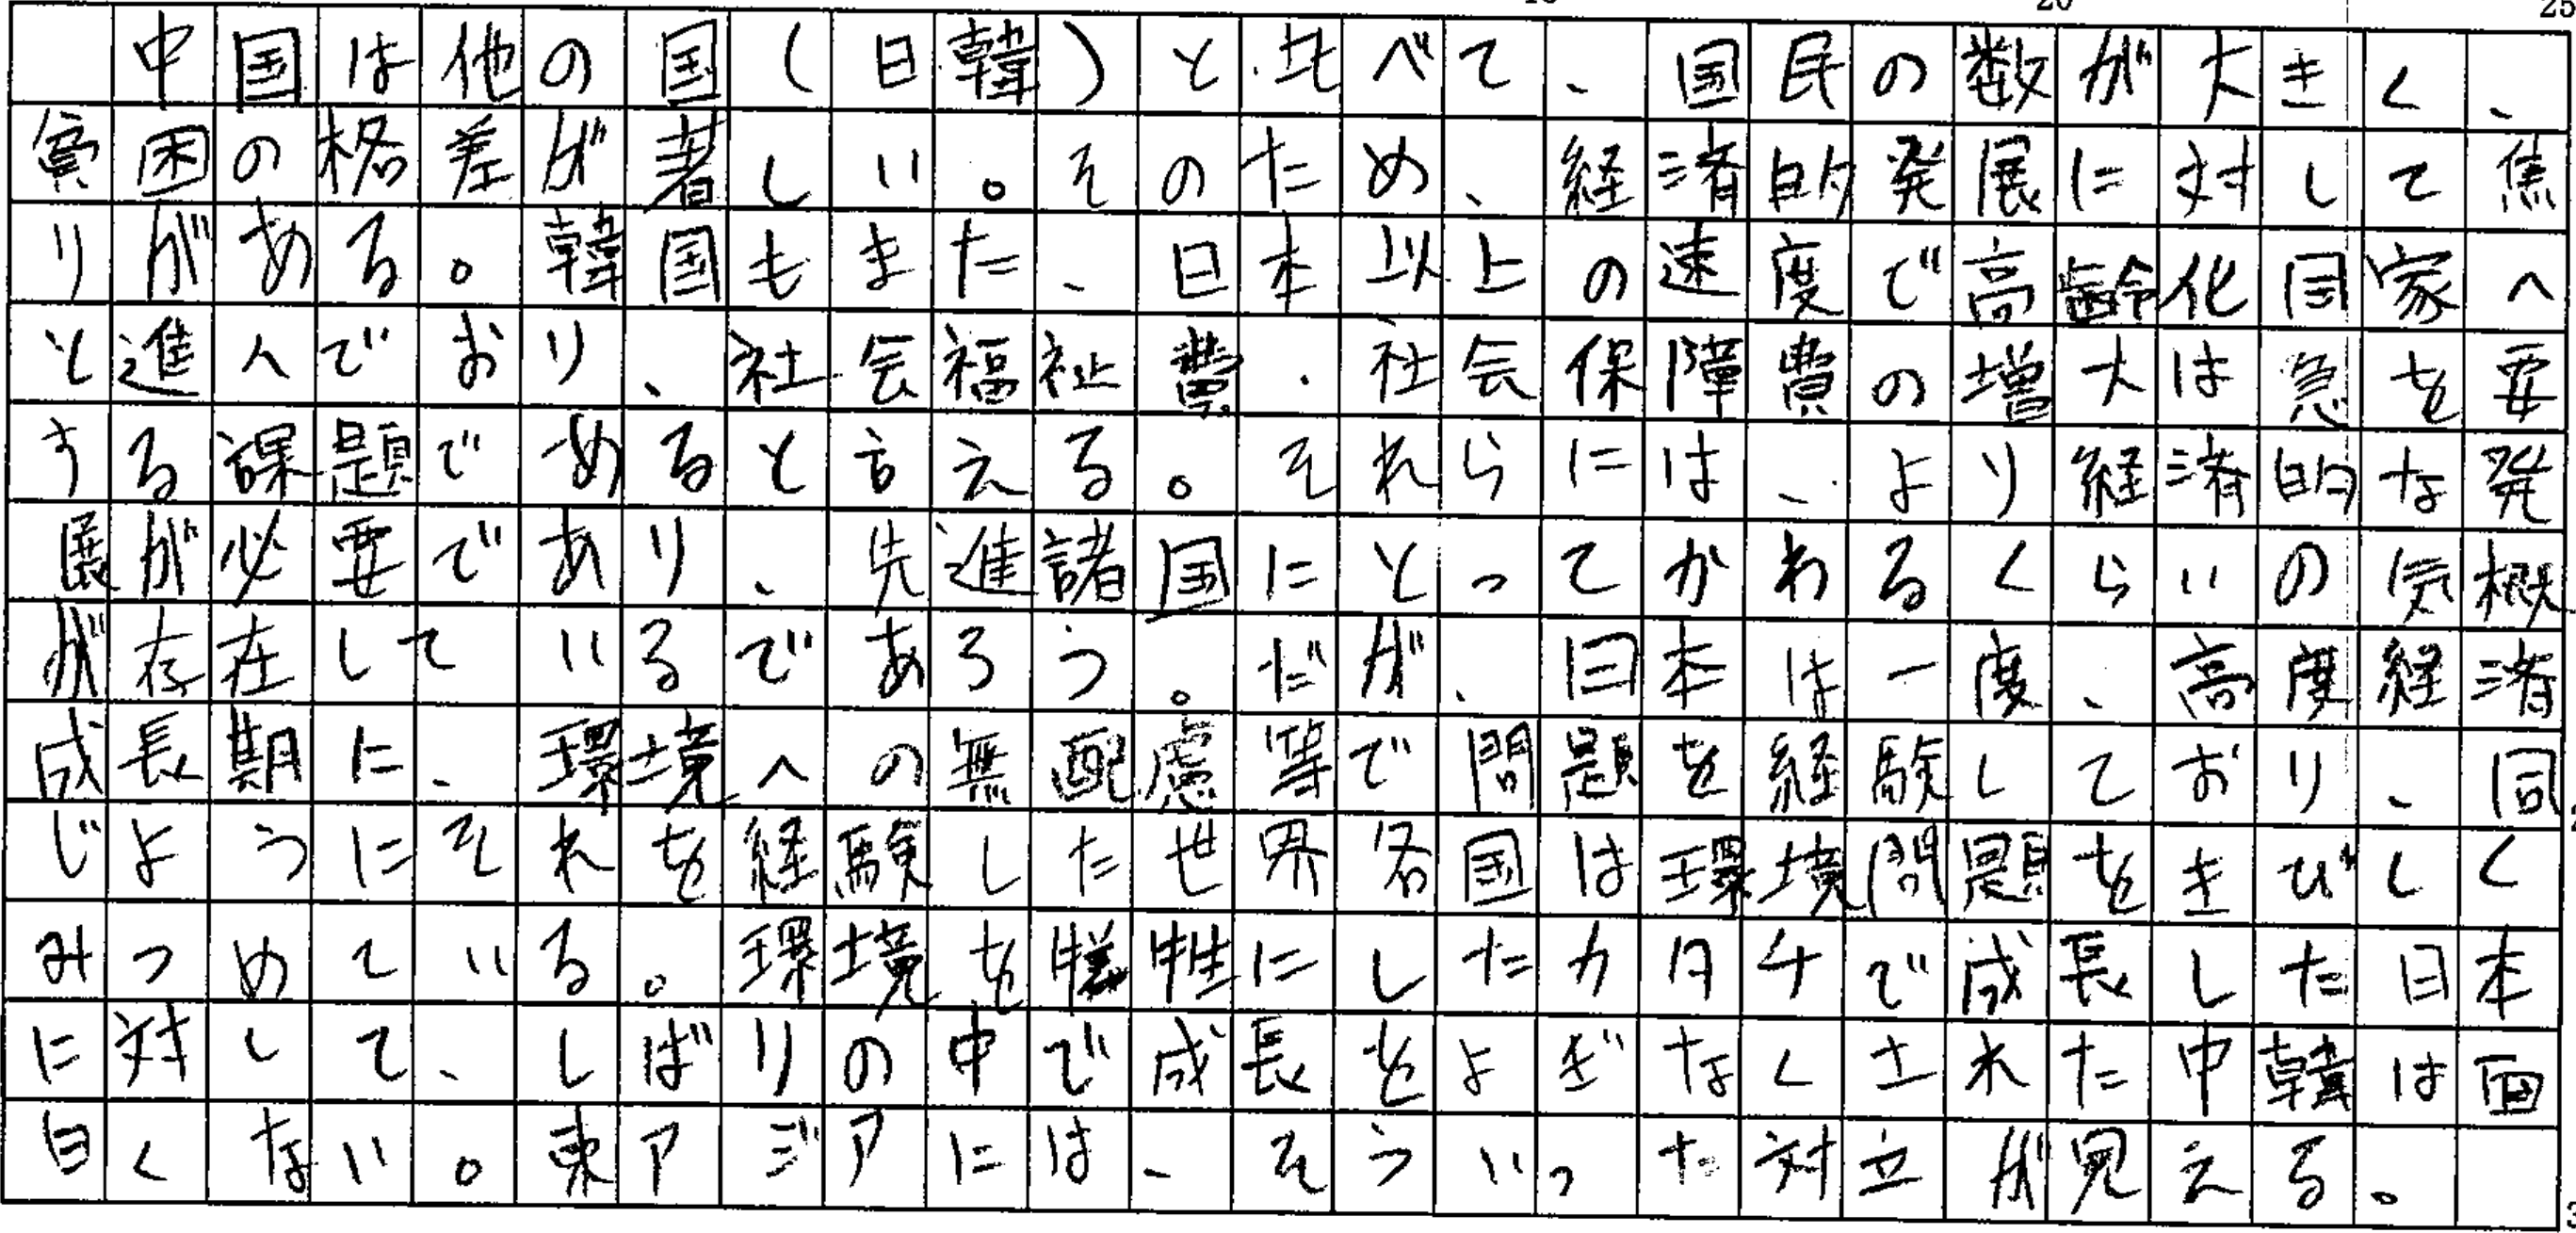　中国は他の国（日韓）と比べて、国民の数が大きく、貧困の格差が著しい。そのため、経済的発展に対して焦りがある。韓国もまた、日本以上の速度で高齢化国家へと進んでおり、社会福祉費・社会保障費の増大は急を要する課題であると▁える。それらには、より経済的な発展が必要であり、先進諸国にとってかわるくらいの気概が存在しているであろう。だが、日本は一度、高度経済成長期に、環境への無配慮等で問題を経験しており、同じようにそれを経験した世界各国は環境問題をきびしくみつめている。環境を犠牲にしたカタチで成長した日本に対して、しばりの中で成長をよぎなくされた中韓は面白くない。東アジアには、そういった対立が見える。
